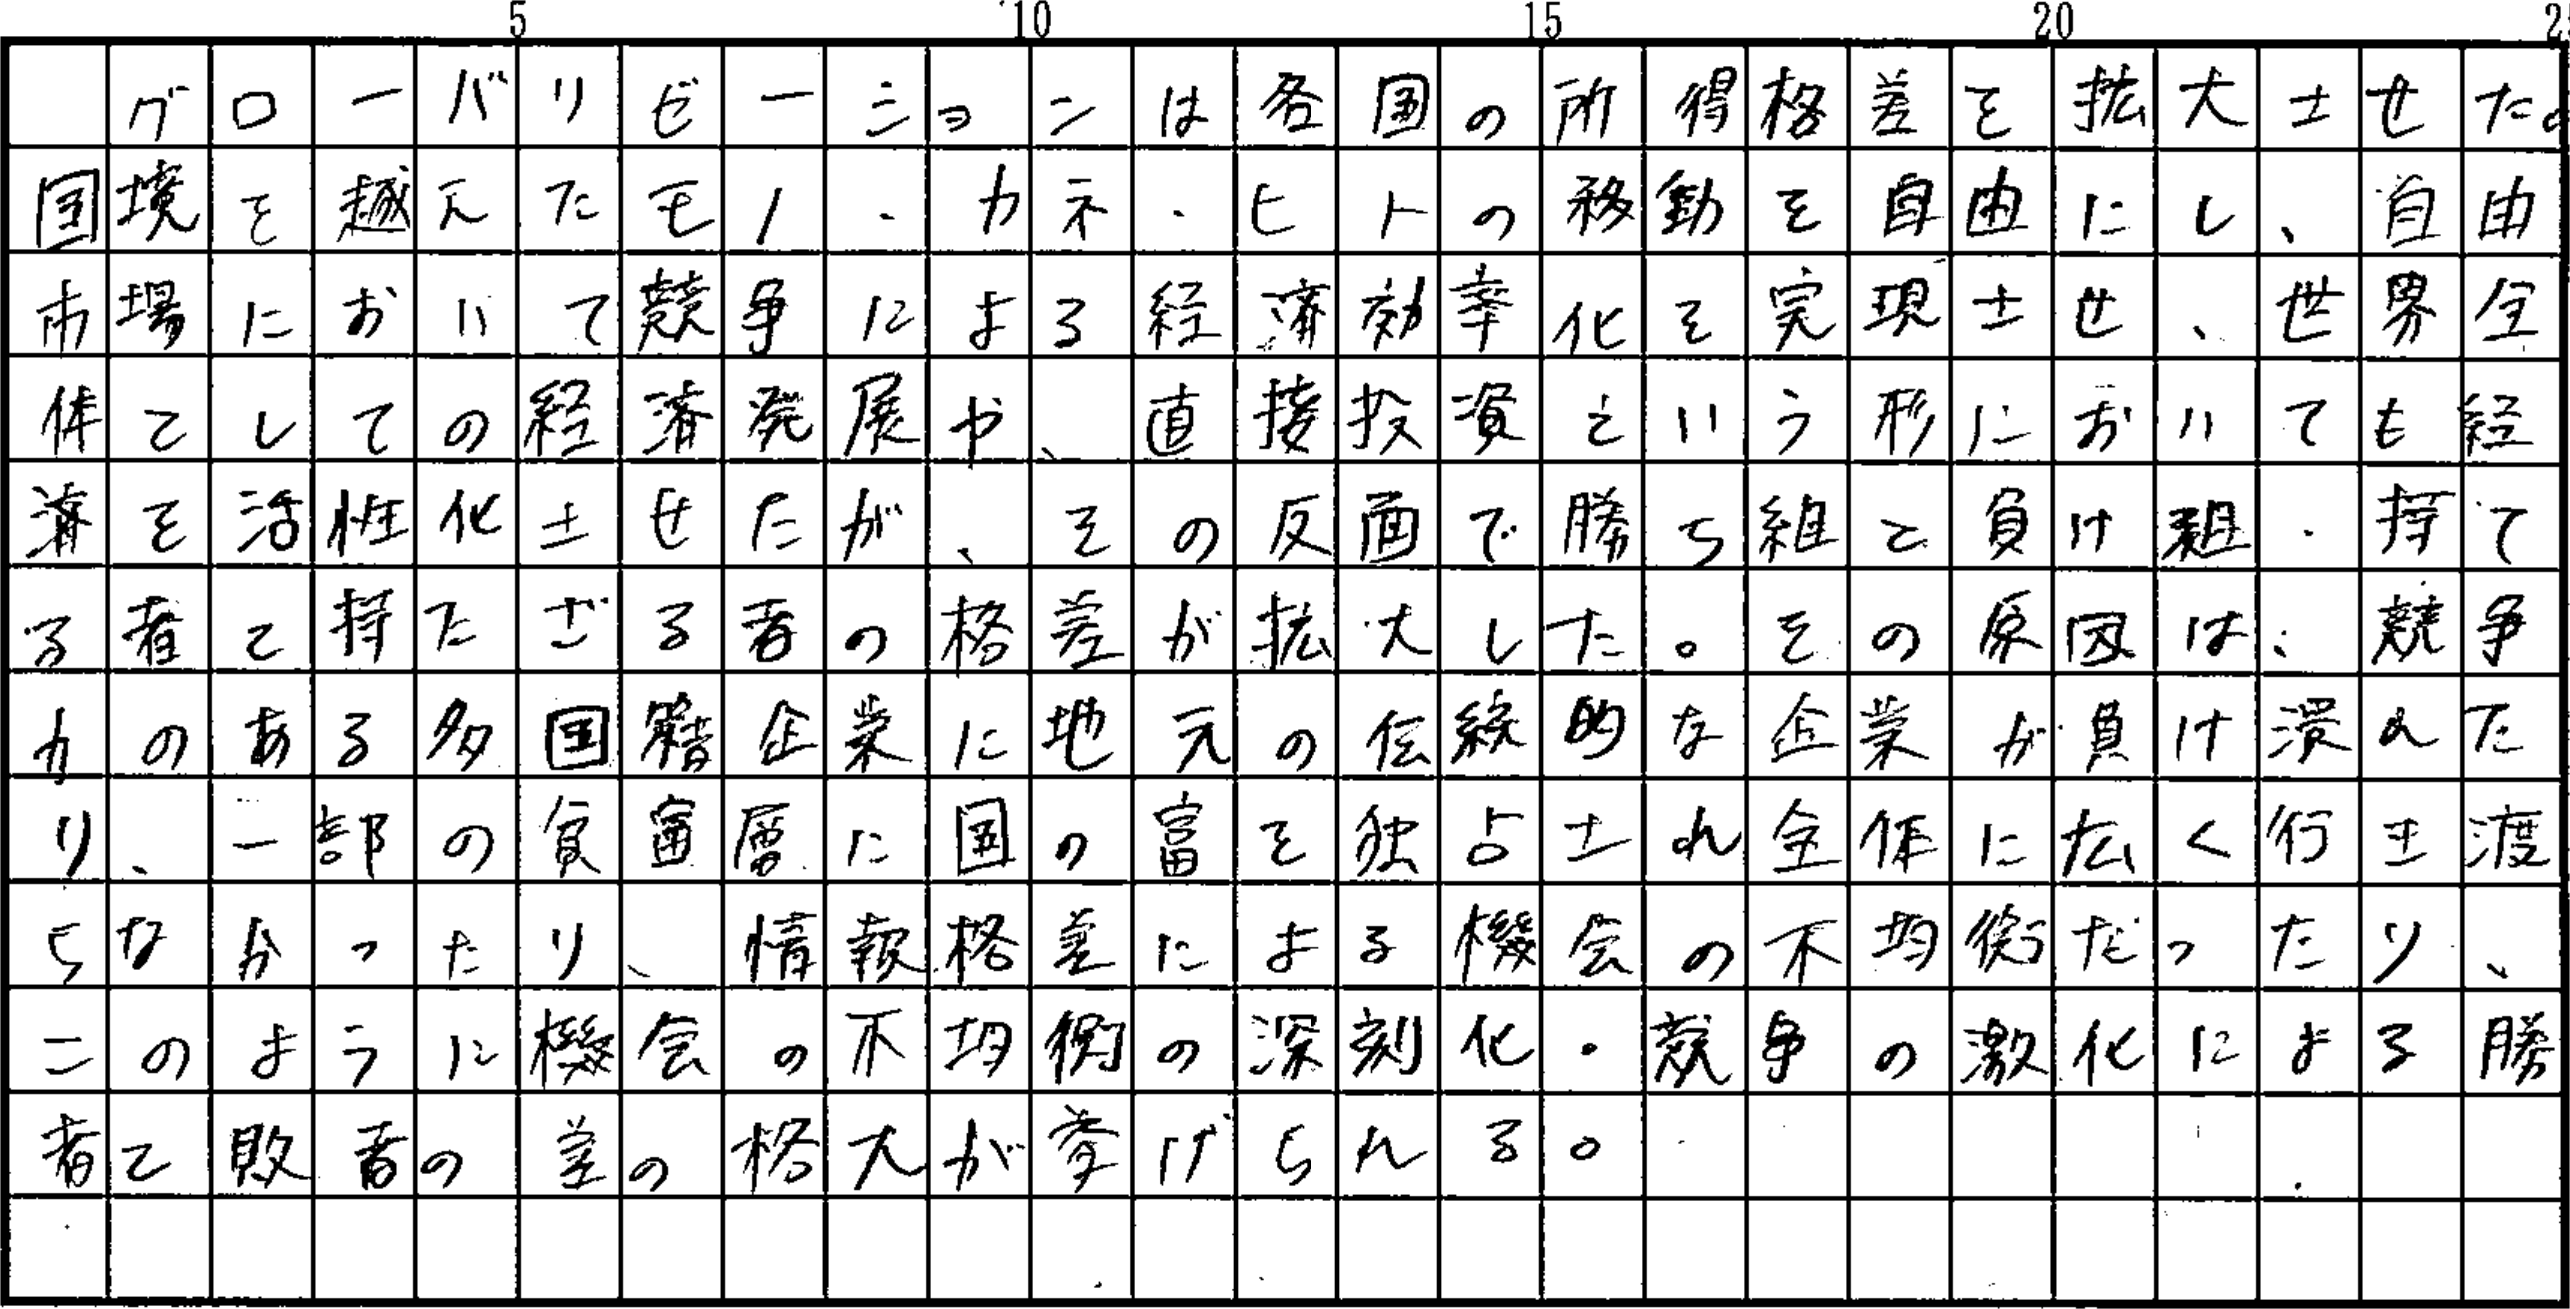　グローバリゼーションは各国の所得格差を拡大させた。国境を▁えたモノ・カネ・ヒトの移動を自由にし、自由市場において競争による経済効率化を▁現させ、世界全体としての経済発展や、直接投資という形においても経済を活性化させたが、その反面で勝ち組と負け組、持てる者と持たざる者の格差が拡大した。その原因は、競争力のある多国籍企業に地元の伝統的な企業が負け潰れたり、一部の貧富層に国の富を独占され全体に広く行き渡らなかったり、情報格差による機会の不均衡だったり、このように機会の不均衡の深刻化・競争の激化による勝者と敗者の差の格大が挙げられる。
